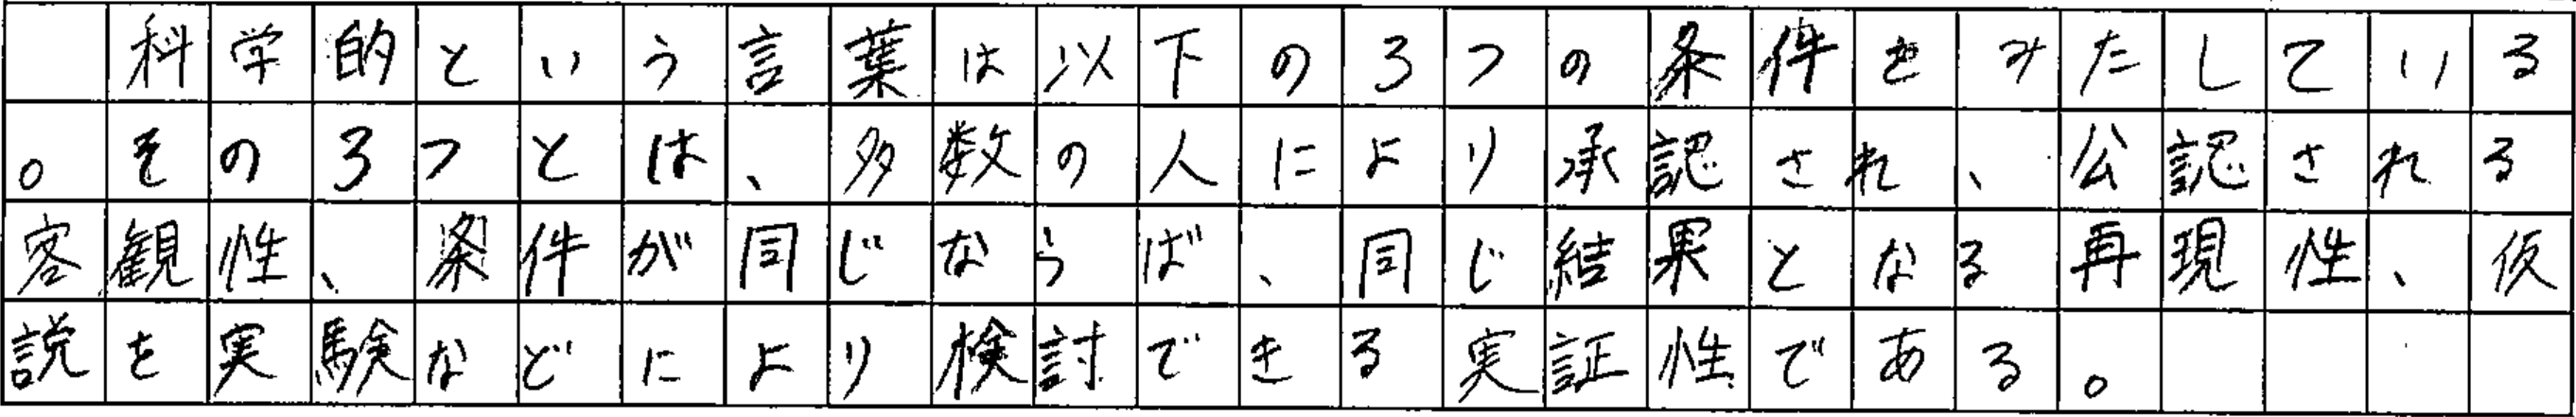　科学的という言葉は以下の３つの条件をみたしている。その３つとは、多数の人により承認され、公認される客観性、条件が同じならば、同じ結果となる再現性、仮説を実験などにより検討できる実証性である。
